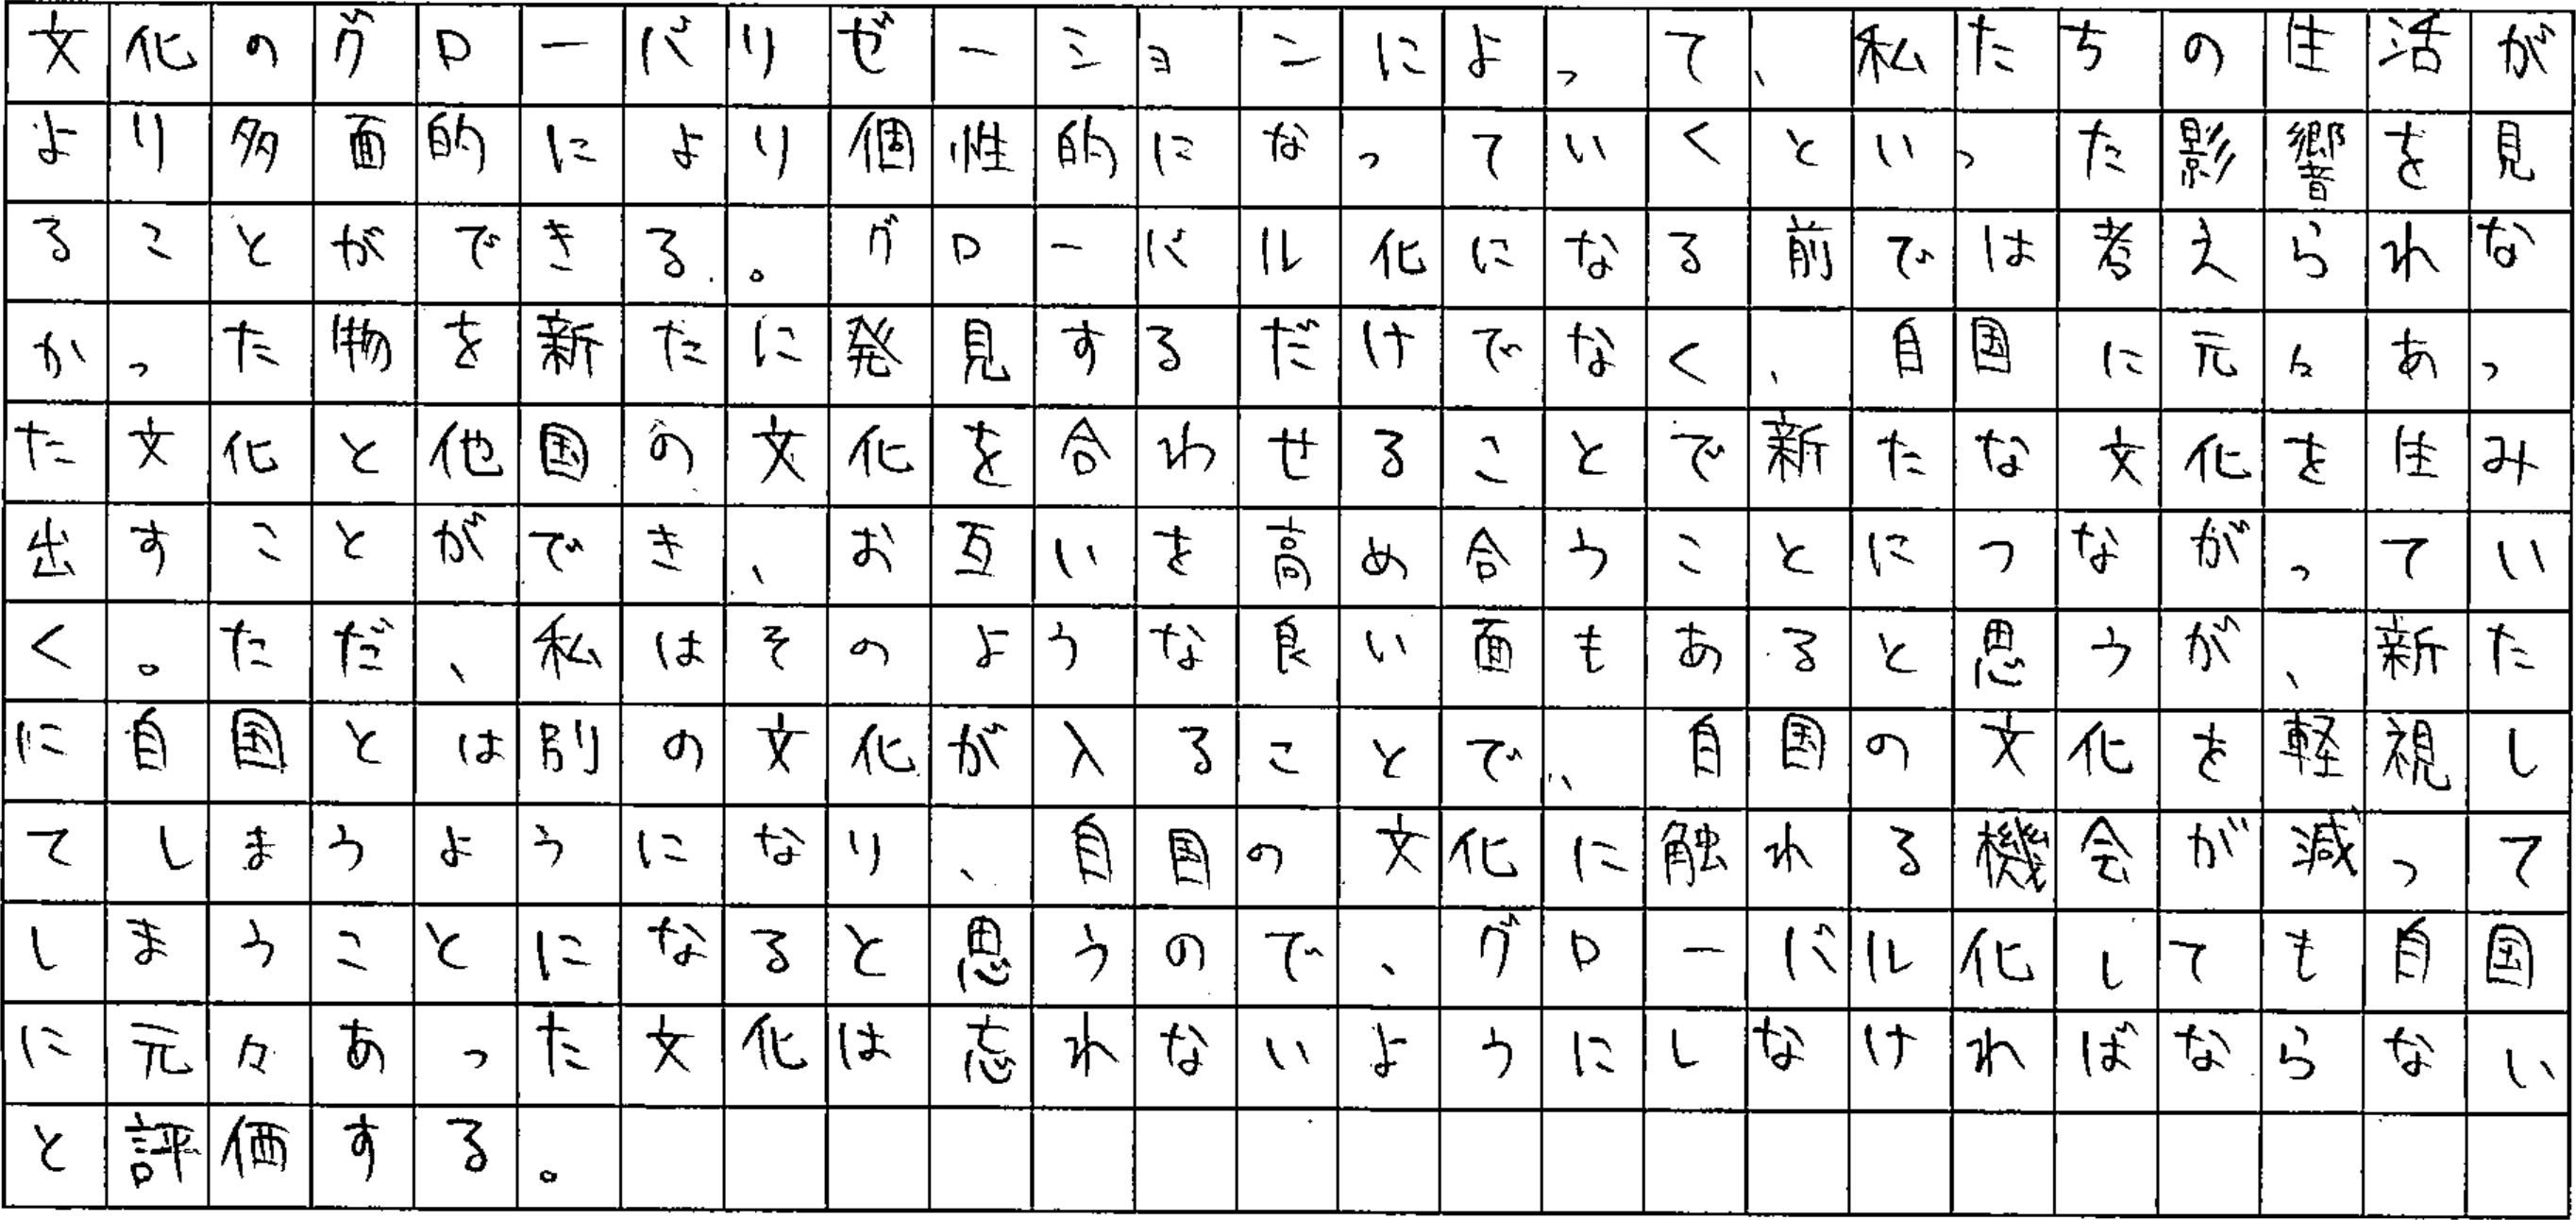文化のグローバリゼーションによって、私たちの生活がより多面的により個性的になっていくといった影響を見ることができる。グローバル化になる前では考えられなかった物を新たに発見するだけでなく、自国に元々あった文化と他国の文化を合わせることで新たな文化を生み出すことができ、お互いを高め合うことにつながっていく。ただ、私はそのような良い面もあると思うが、新たに自国とは別の文化が入ることで、自国の文化を軽視してしまうようになり、自国の文化に触れる機会が減ってしまうことになると思うので、グローバル化しても自国に元々あった文化は忘れないようにしなければならないと評価する。
